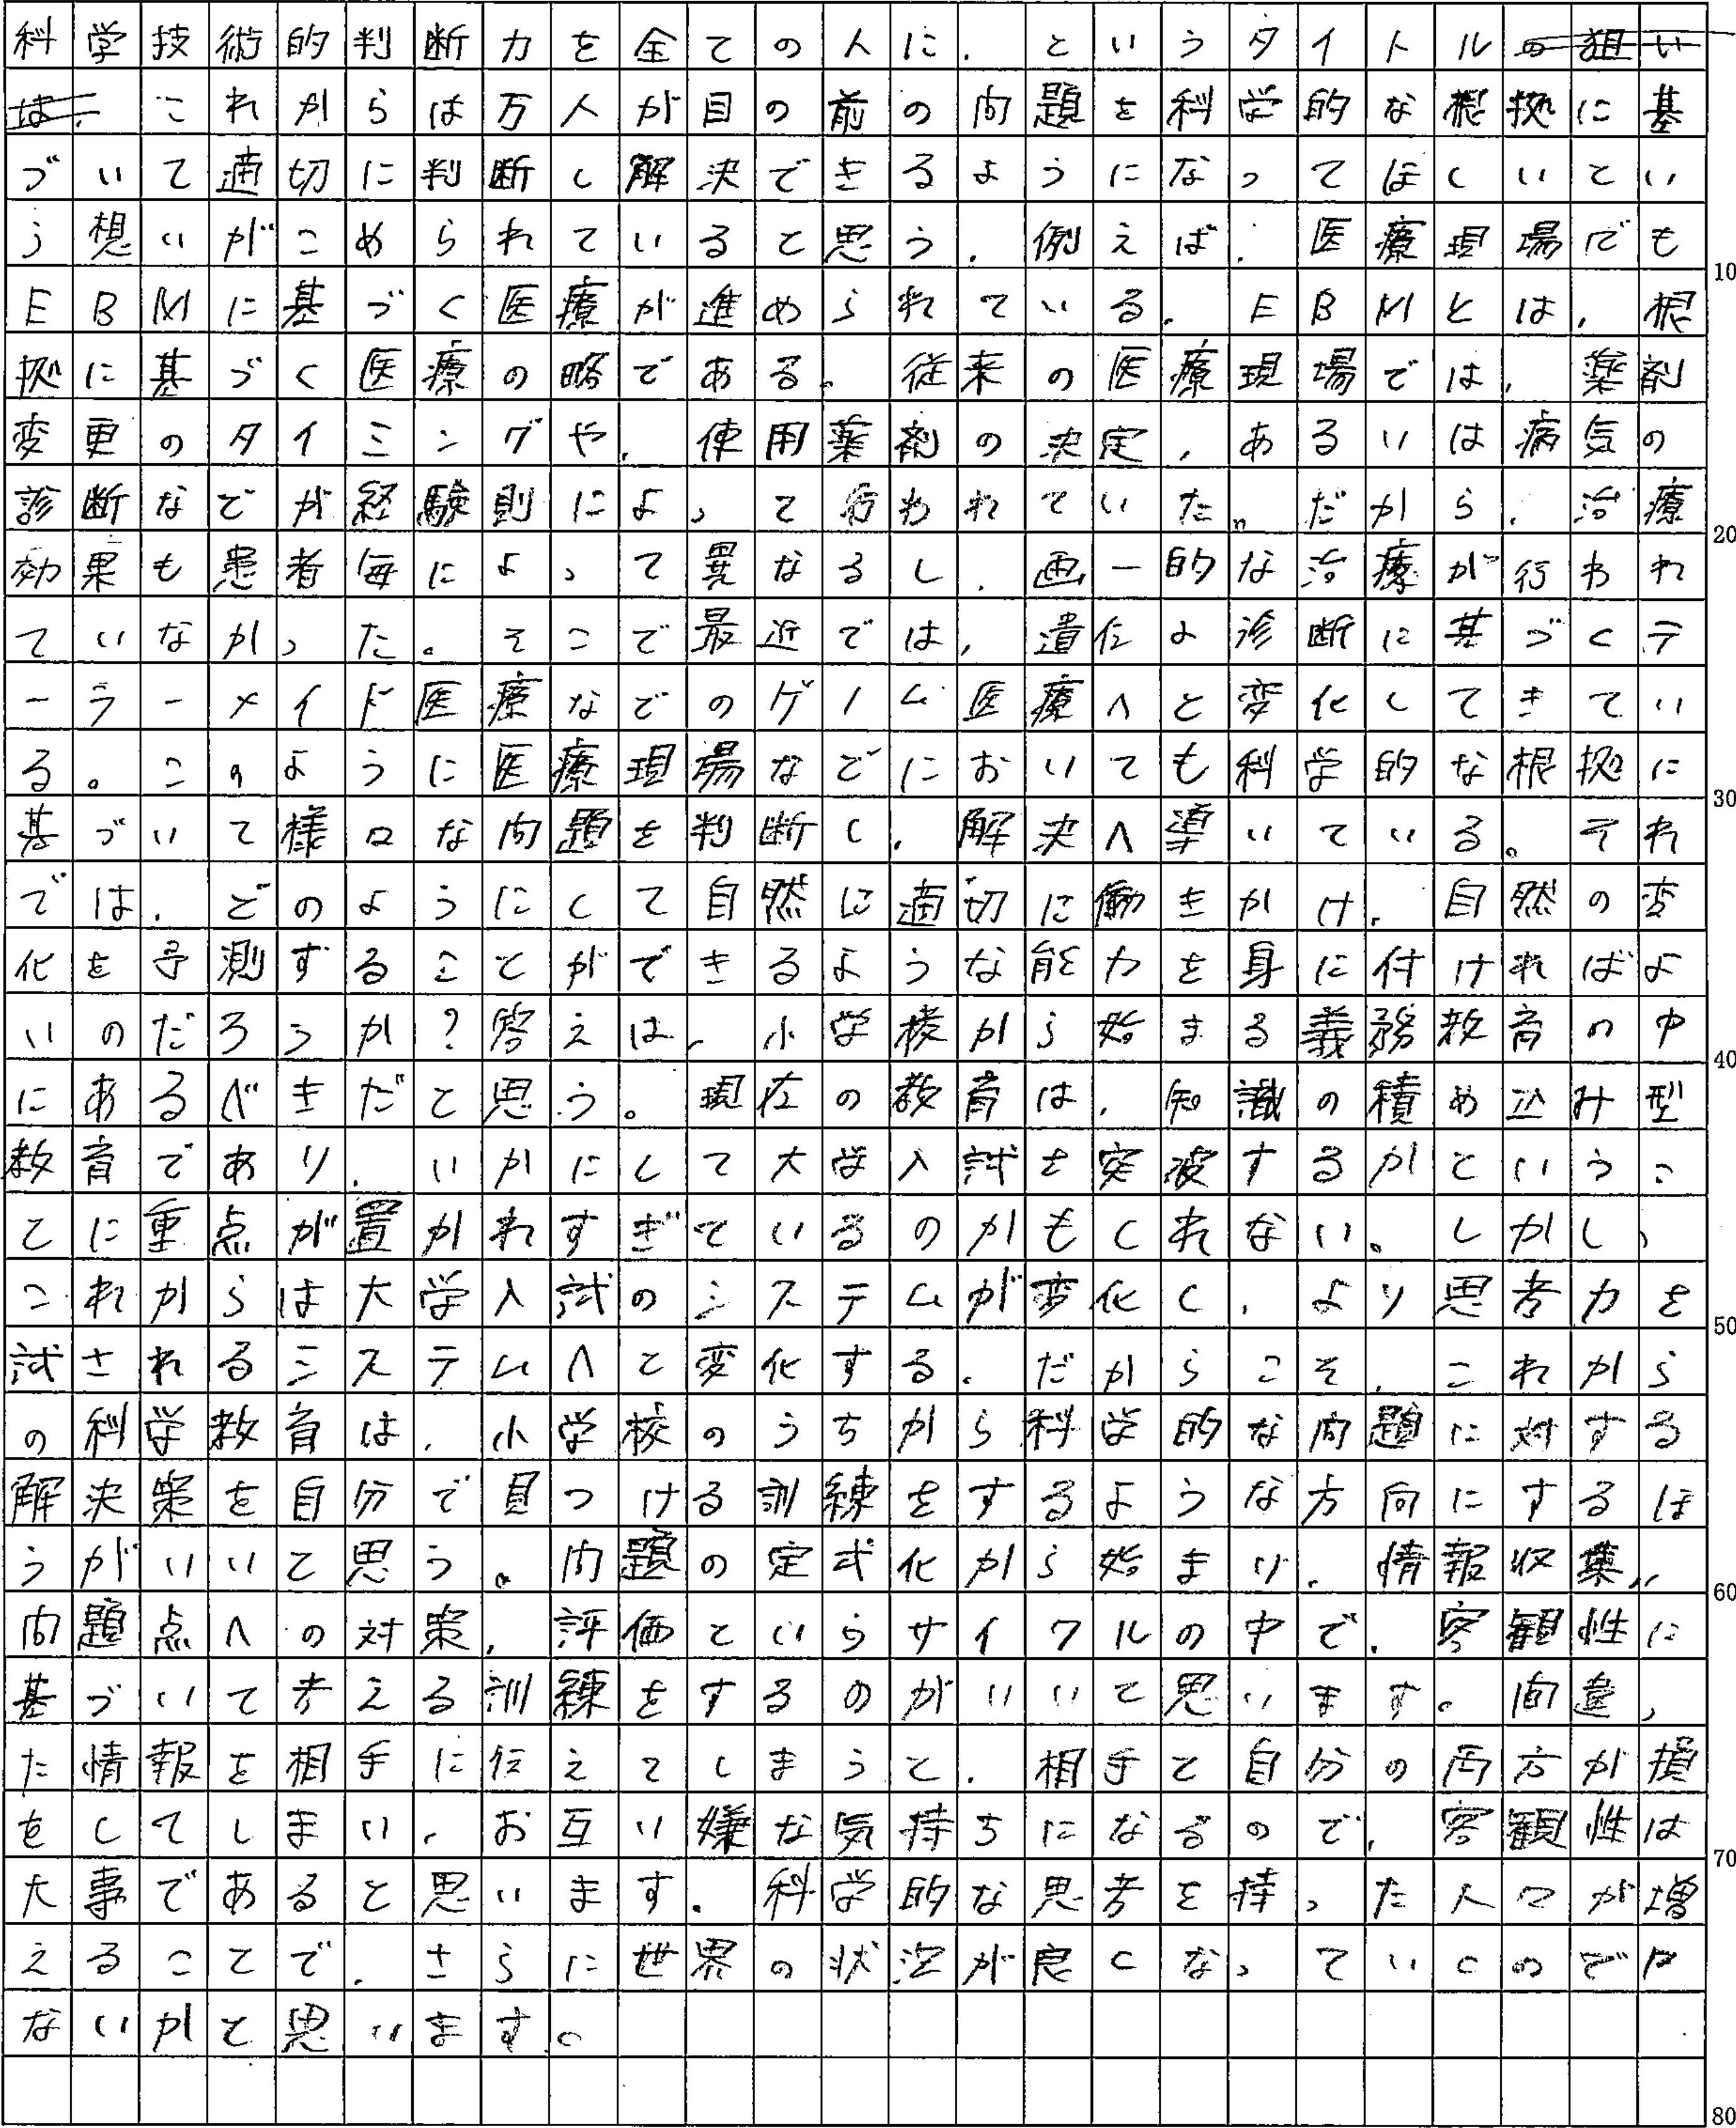科学技術的判断力を全ての人に、というタイトルには、これからは万人が目の前の問題を科学的な根拠に基づいて適切に判断し解決できるようになってほしいという想いがこめられていると思う。例えば、医療現場でもＥＢＭに基づく医療が進められている。ＥＢＭとは、根拠に基づく医療の略である。従来の医療現場では、薬剤変更のタイミングや、使用薬剤の決定、あるいは病気の診断などが経験則によって行われていた。だから、治療効果も患者毎によって異なるし、画一的な治療が行われていなかった。そこで最近では、遺伝子診断に基づくテーラーメイド医療などのゲノム医療へと変化してきている。このように医療現場などにおいても科学的な根拠に基づいて様々な問題を判断し、解決へ導いている。それでは、どのようにして自然に適切に働きかけ、自然の変化を予測することができるような能力を身に付ければよいのだろうか？答えは、小学校から始まる義務教育の中にあるべきだと思う。現在の教育は、知識の積め込み型教育であり、いかにして大学入試を突破するかということに重点が置かれすぎているのかもしれない。しかし、これからは大学入試のシステムが変化し、より思考力を試されるシステムへと変化する。だからこそ、だからこそ、これからの科学教育は、小学校のうちから科学的な問題に対する解決策を自分で見つける訓練をするような方向にするほうがいいと思う。問題の定式化から始まり、情報収集、問題点への対策、評価というサイクルの中で、客観性に基づいて考える訓練をするのがいいと思います。間違った情報を相手に伝えてしまうと、相手と自分の両方が損をしてしまい、お互い嫌な気持ちになるので、客観性は大事であると思います。科学的な思考を持った人々が増えることで、さらに世界の状況が良くなっていくのではないかと思います。
